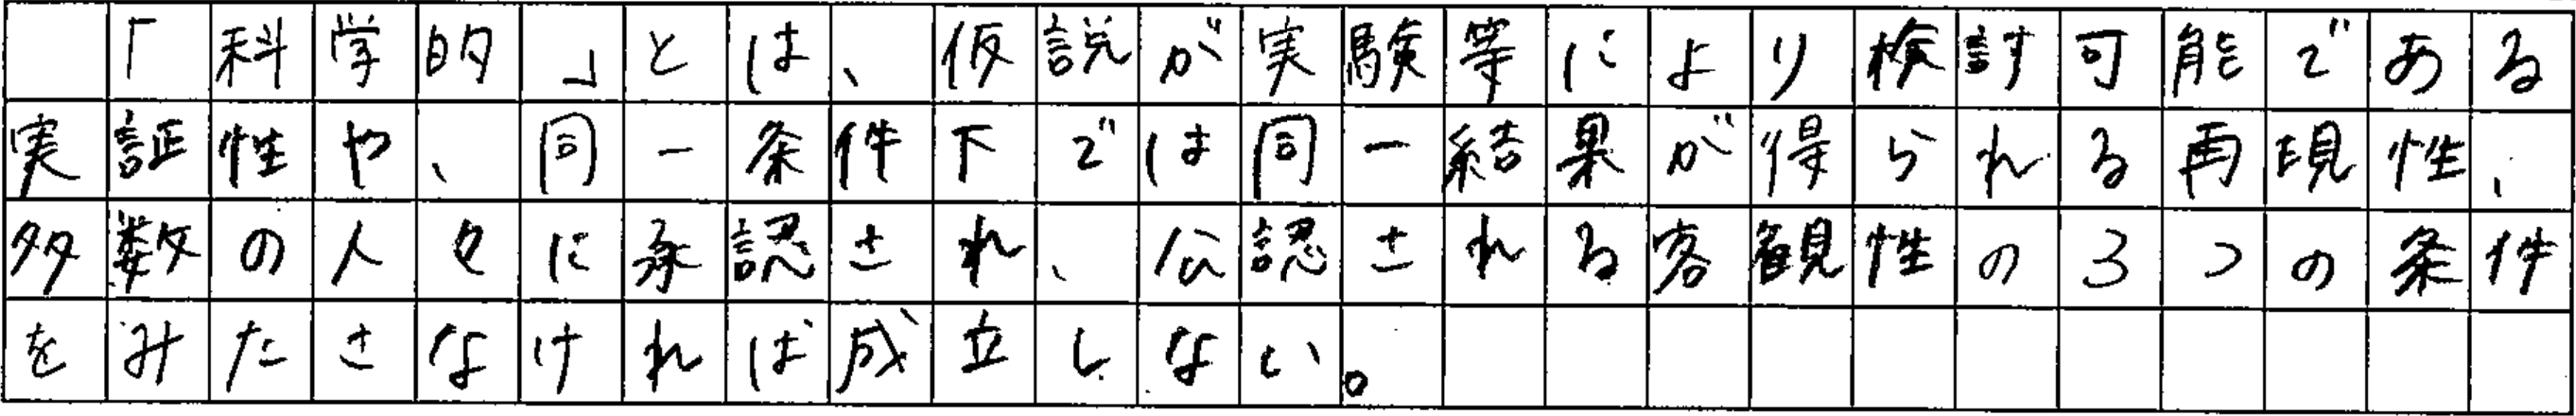　「科学的」とは、仮説が実験等により検討可能である実証性や、同一条件下では同一結果が得られる再現性、多数の人々に承認され、公認される客観性の３つの条件をみたさなければ成立しない。
